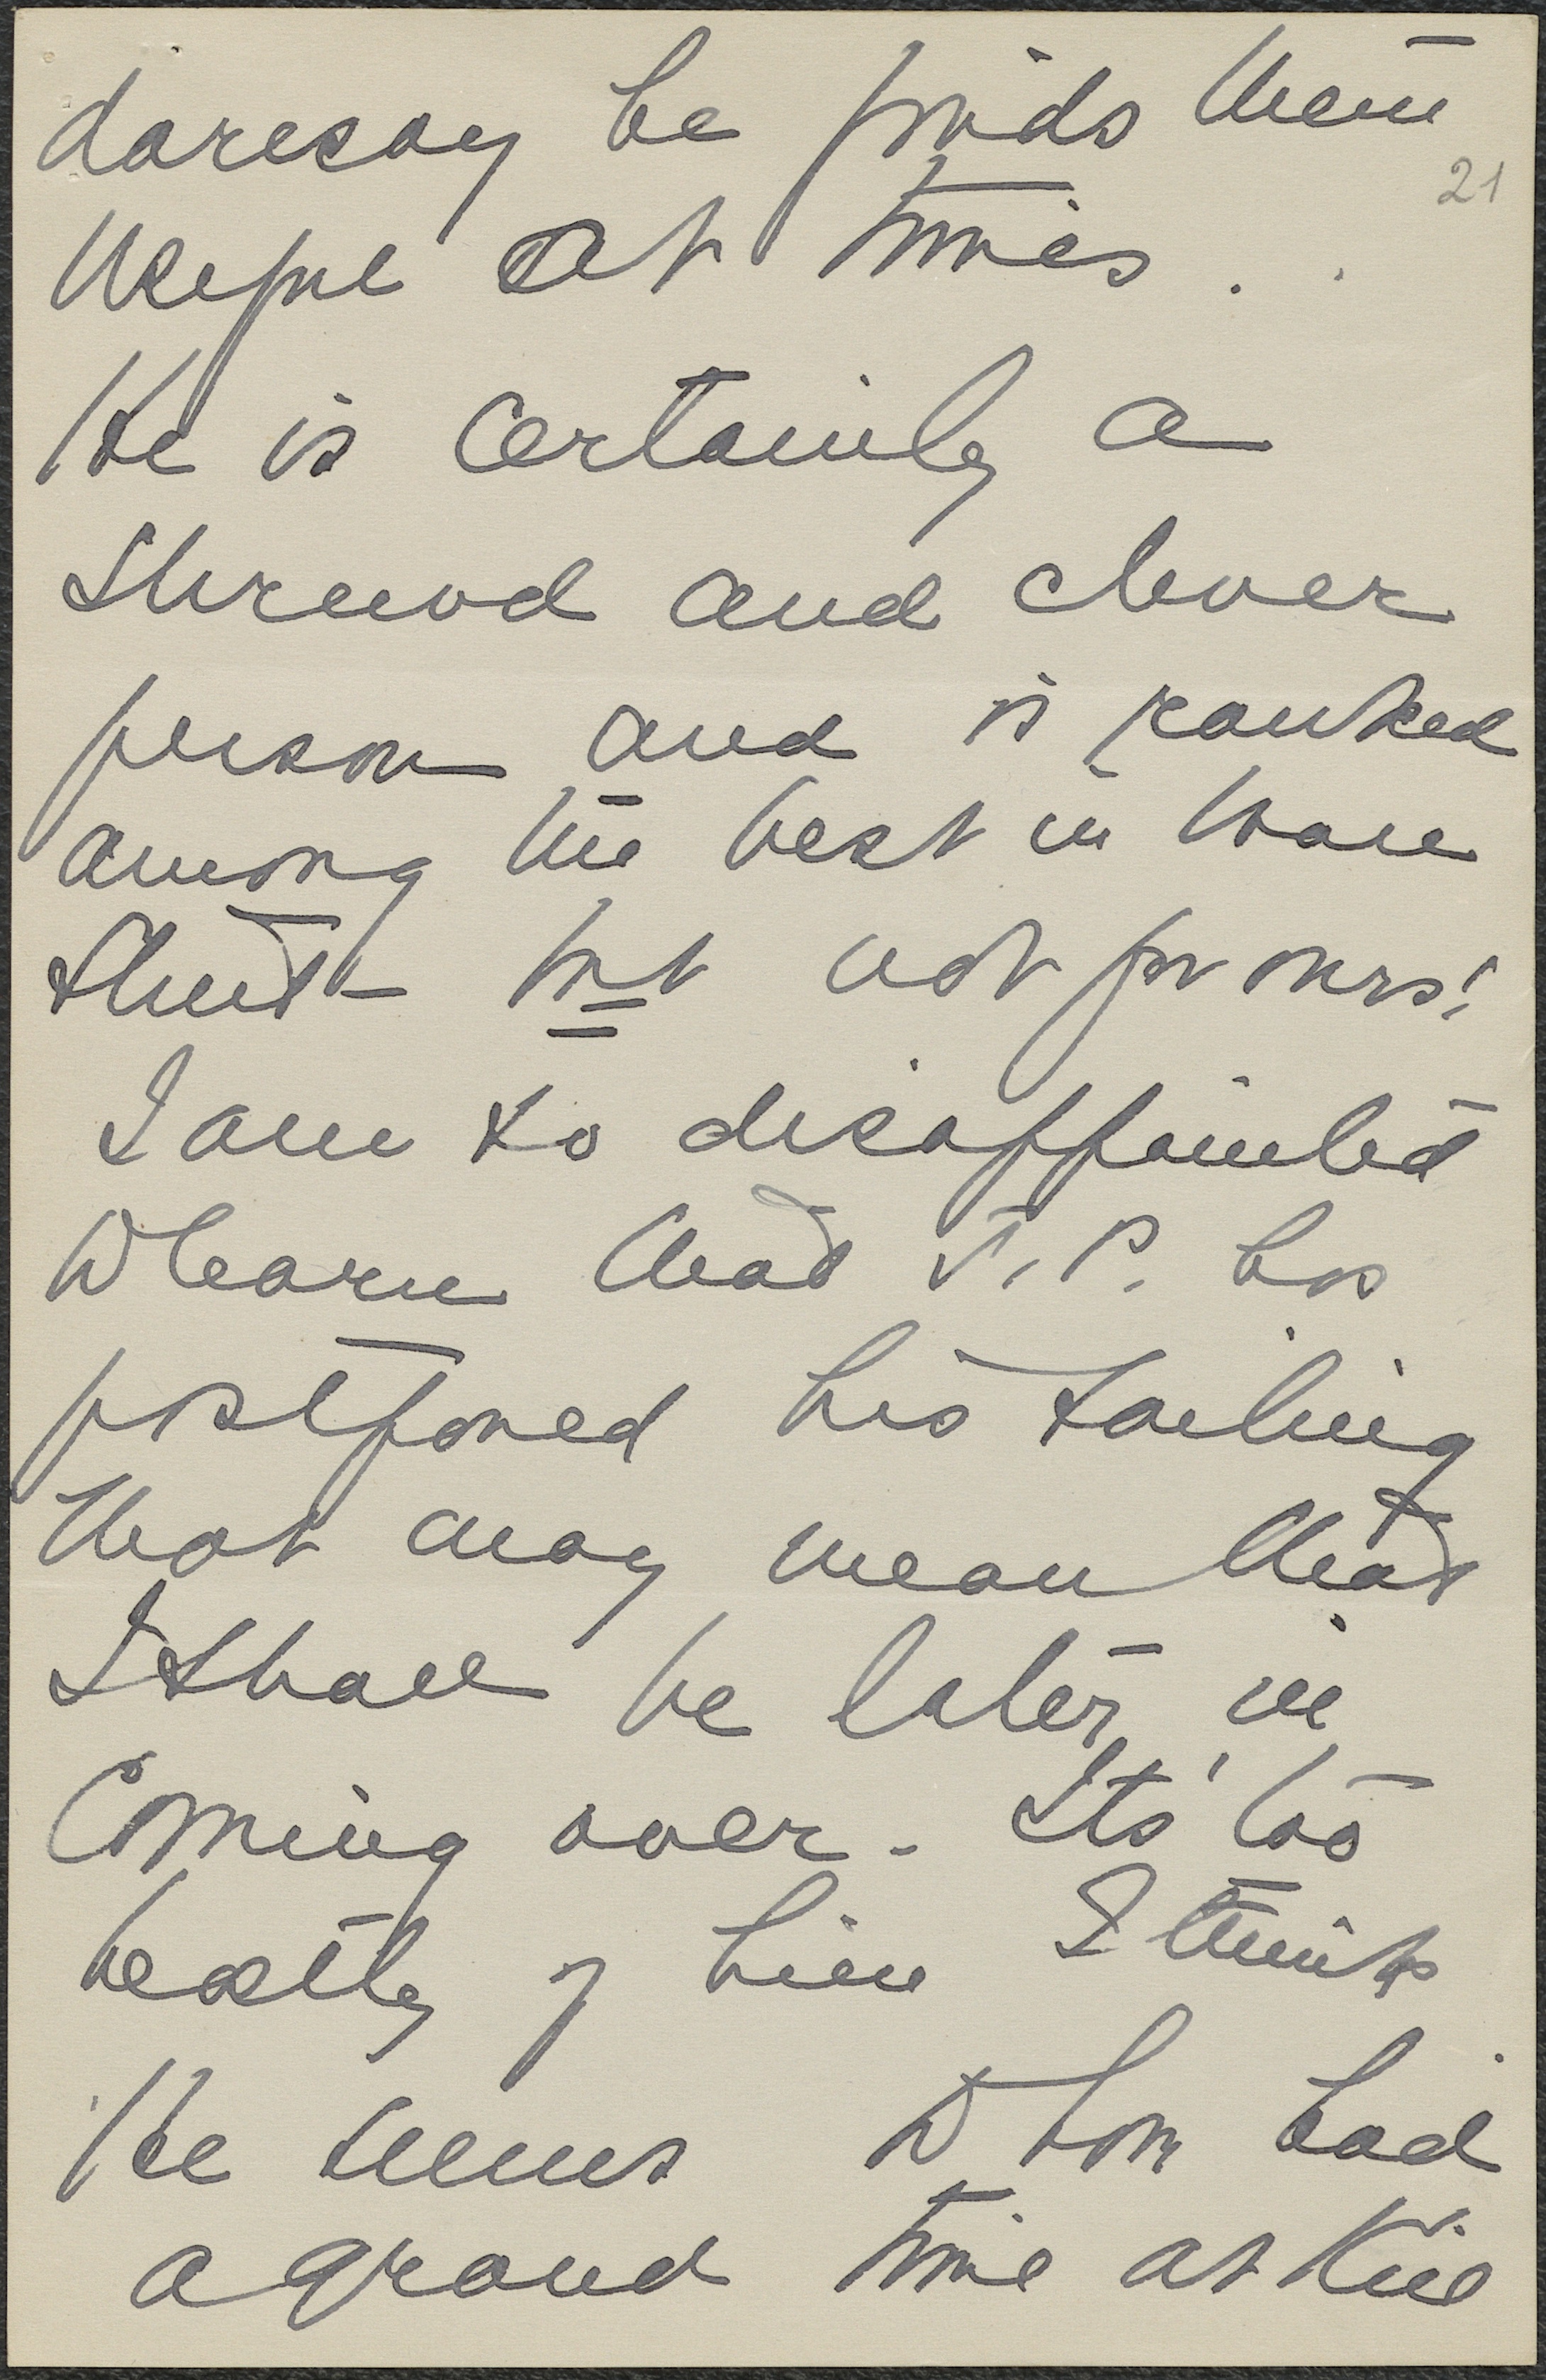daresay he finds them useful at times.
He is certainly a shrewd and clever person and is ranked among the best in Wall Street [double underlined: but] not for ours! I am so disappointed to learn that J. P. has postponed his sailing
That may mean that I shall be later in coming over – It’s too beastly of him I think. He seems to have had a grand time at Kiel